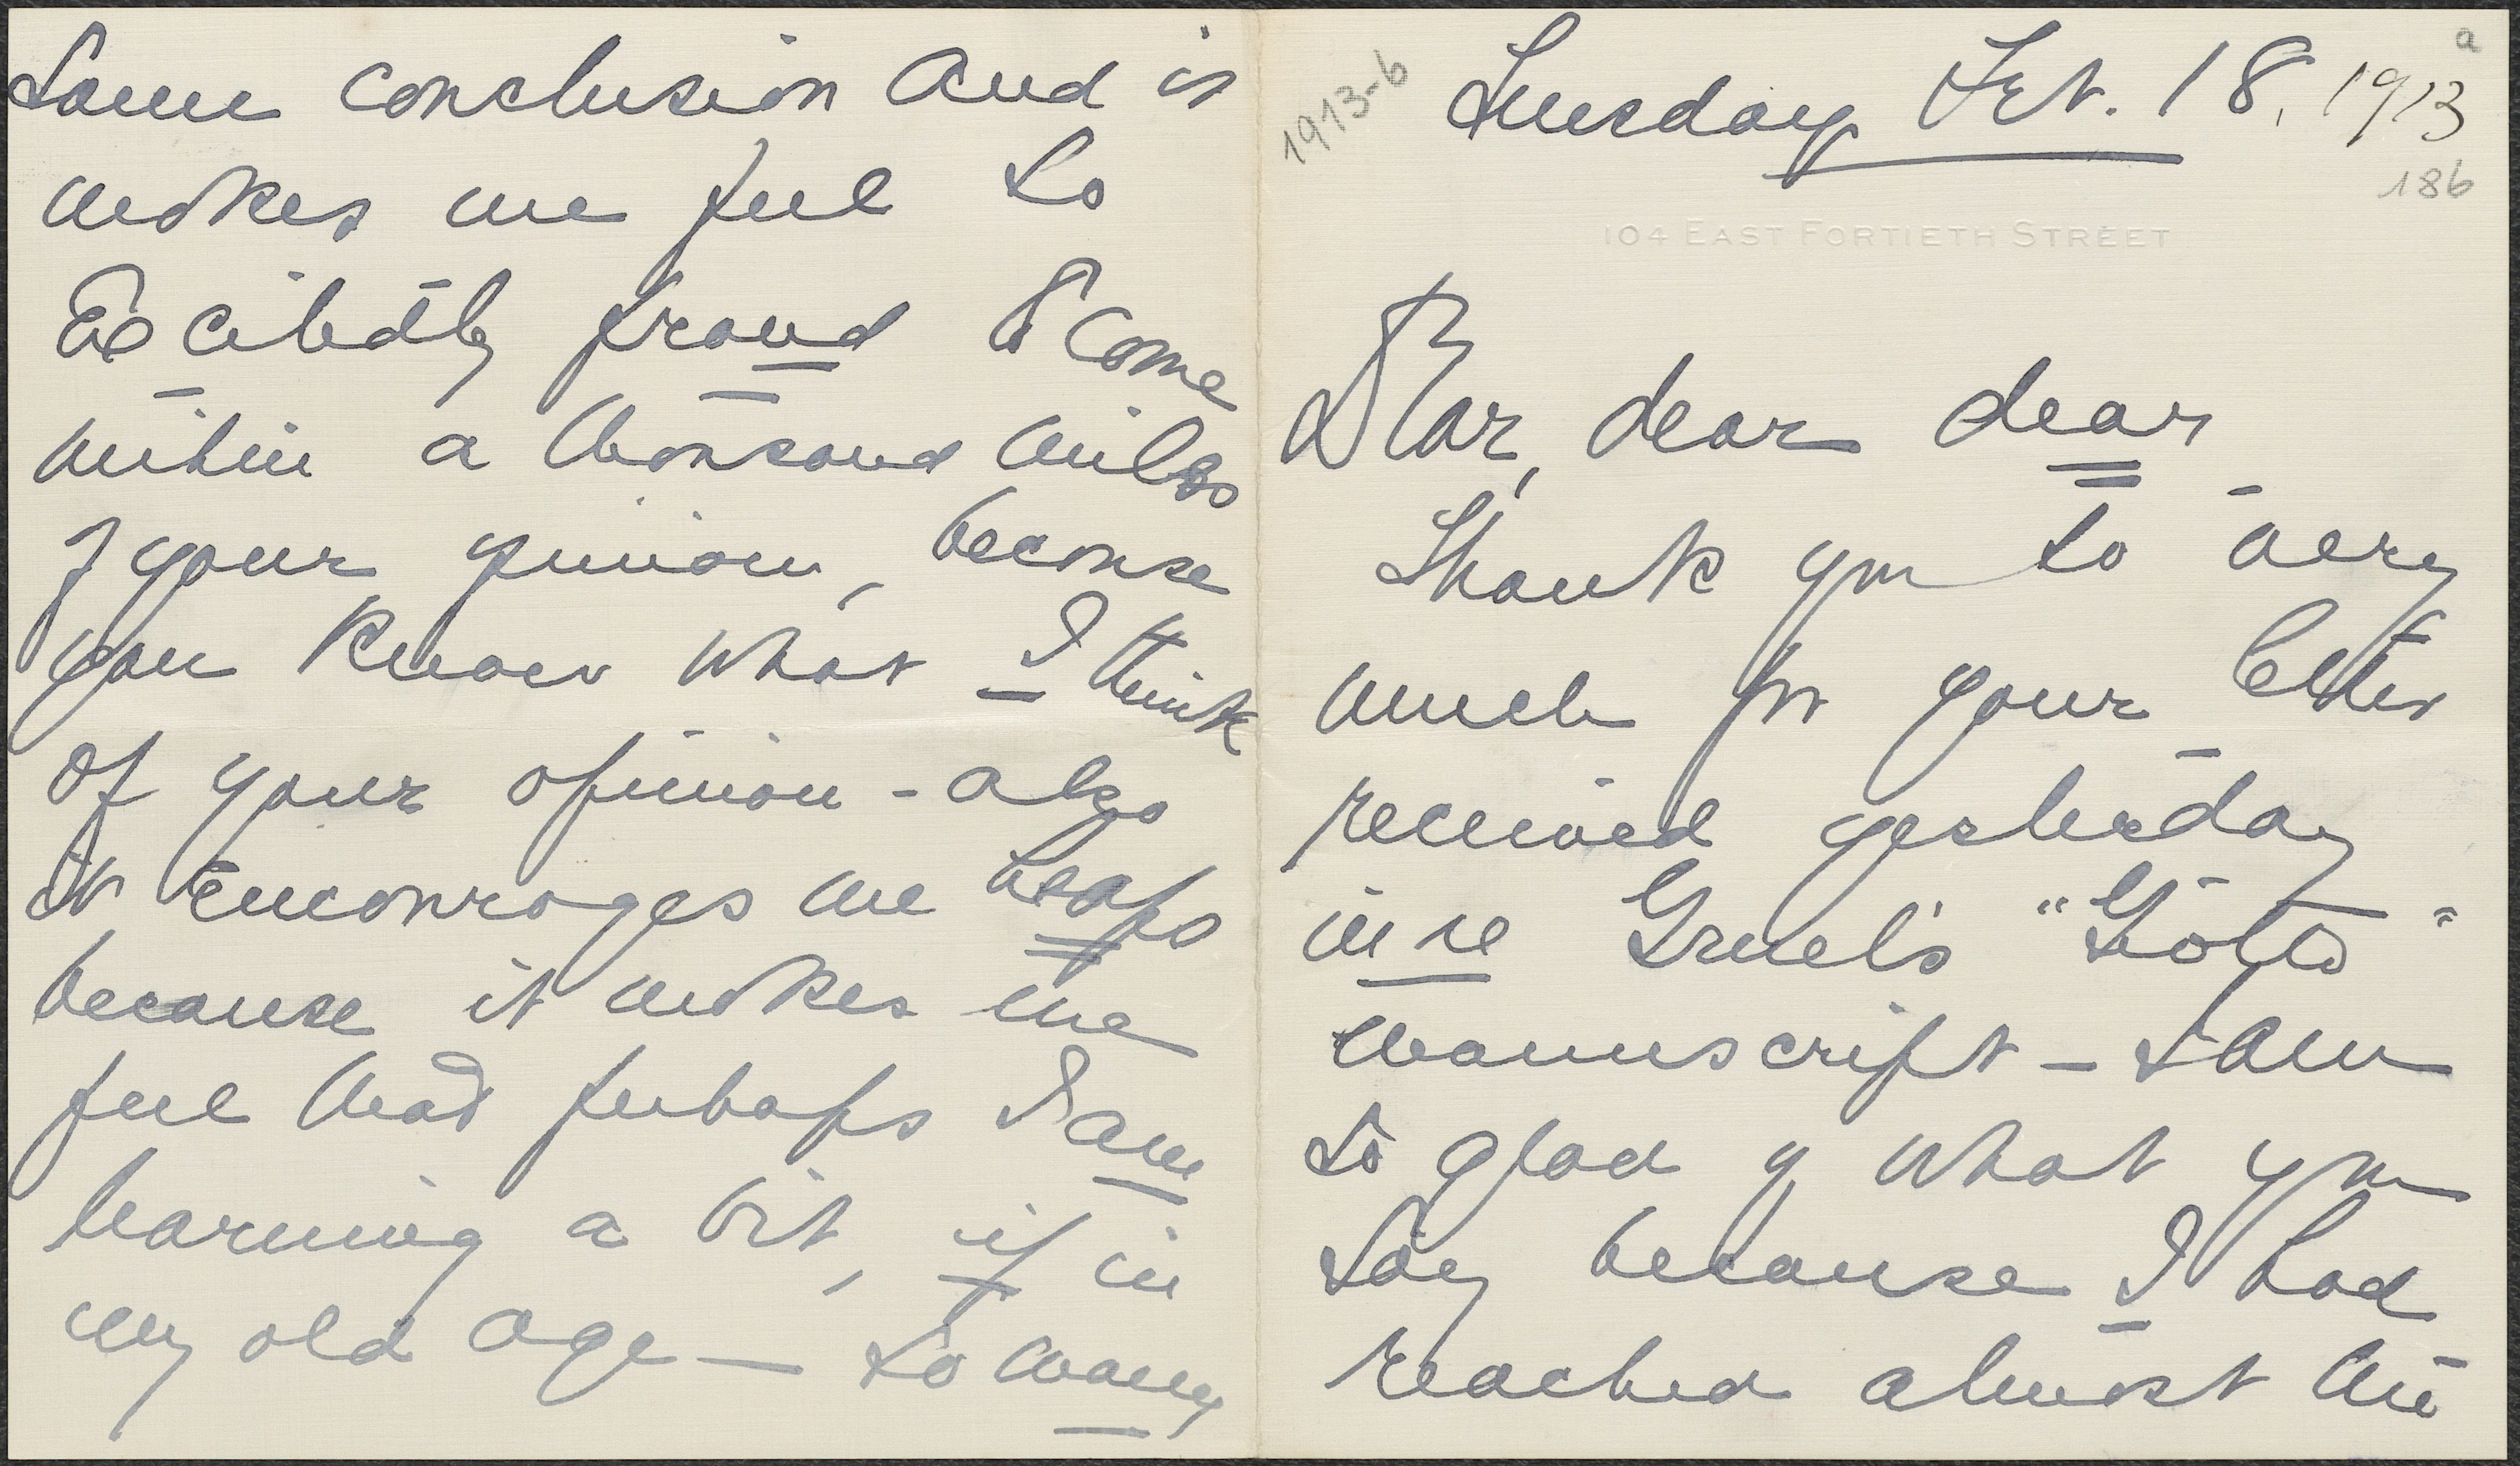Tuesday, Feb. 18
Dear, dear [double underlined: dear]
Thank you so very much for your letter received yesterday in re Gruel’s “Giotto” manuscript – I am so glad of what you say because I had reached almost the
same conclusion and it makes me feel so excitedly proud to come within a thousand miles of your opinion, because you know what I think of your opinion – also it encourages me [double underlined: heaps] because it makes me feel that perhaps I am learning a bit, if in my old age – so many